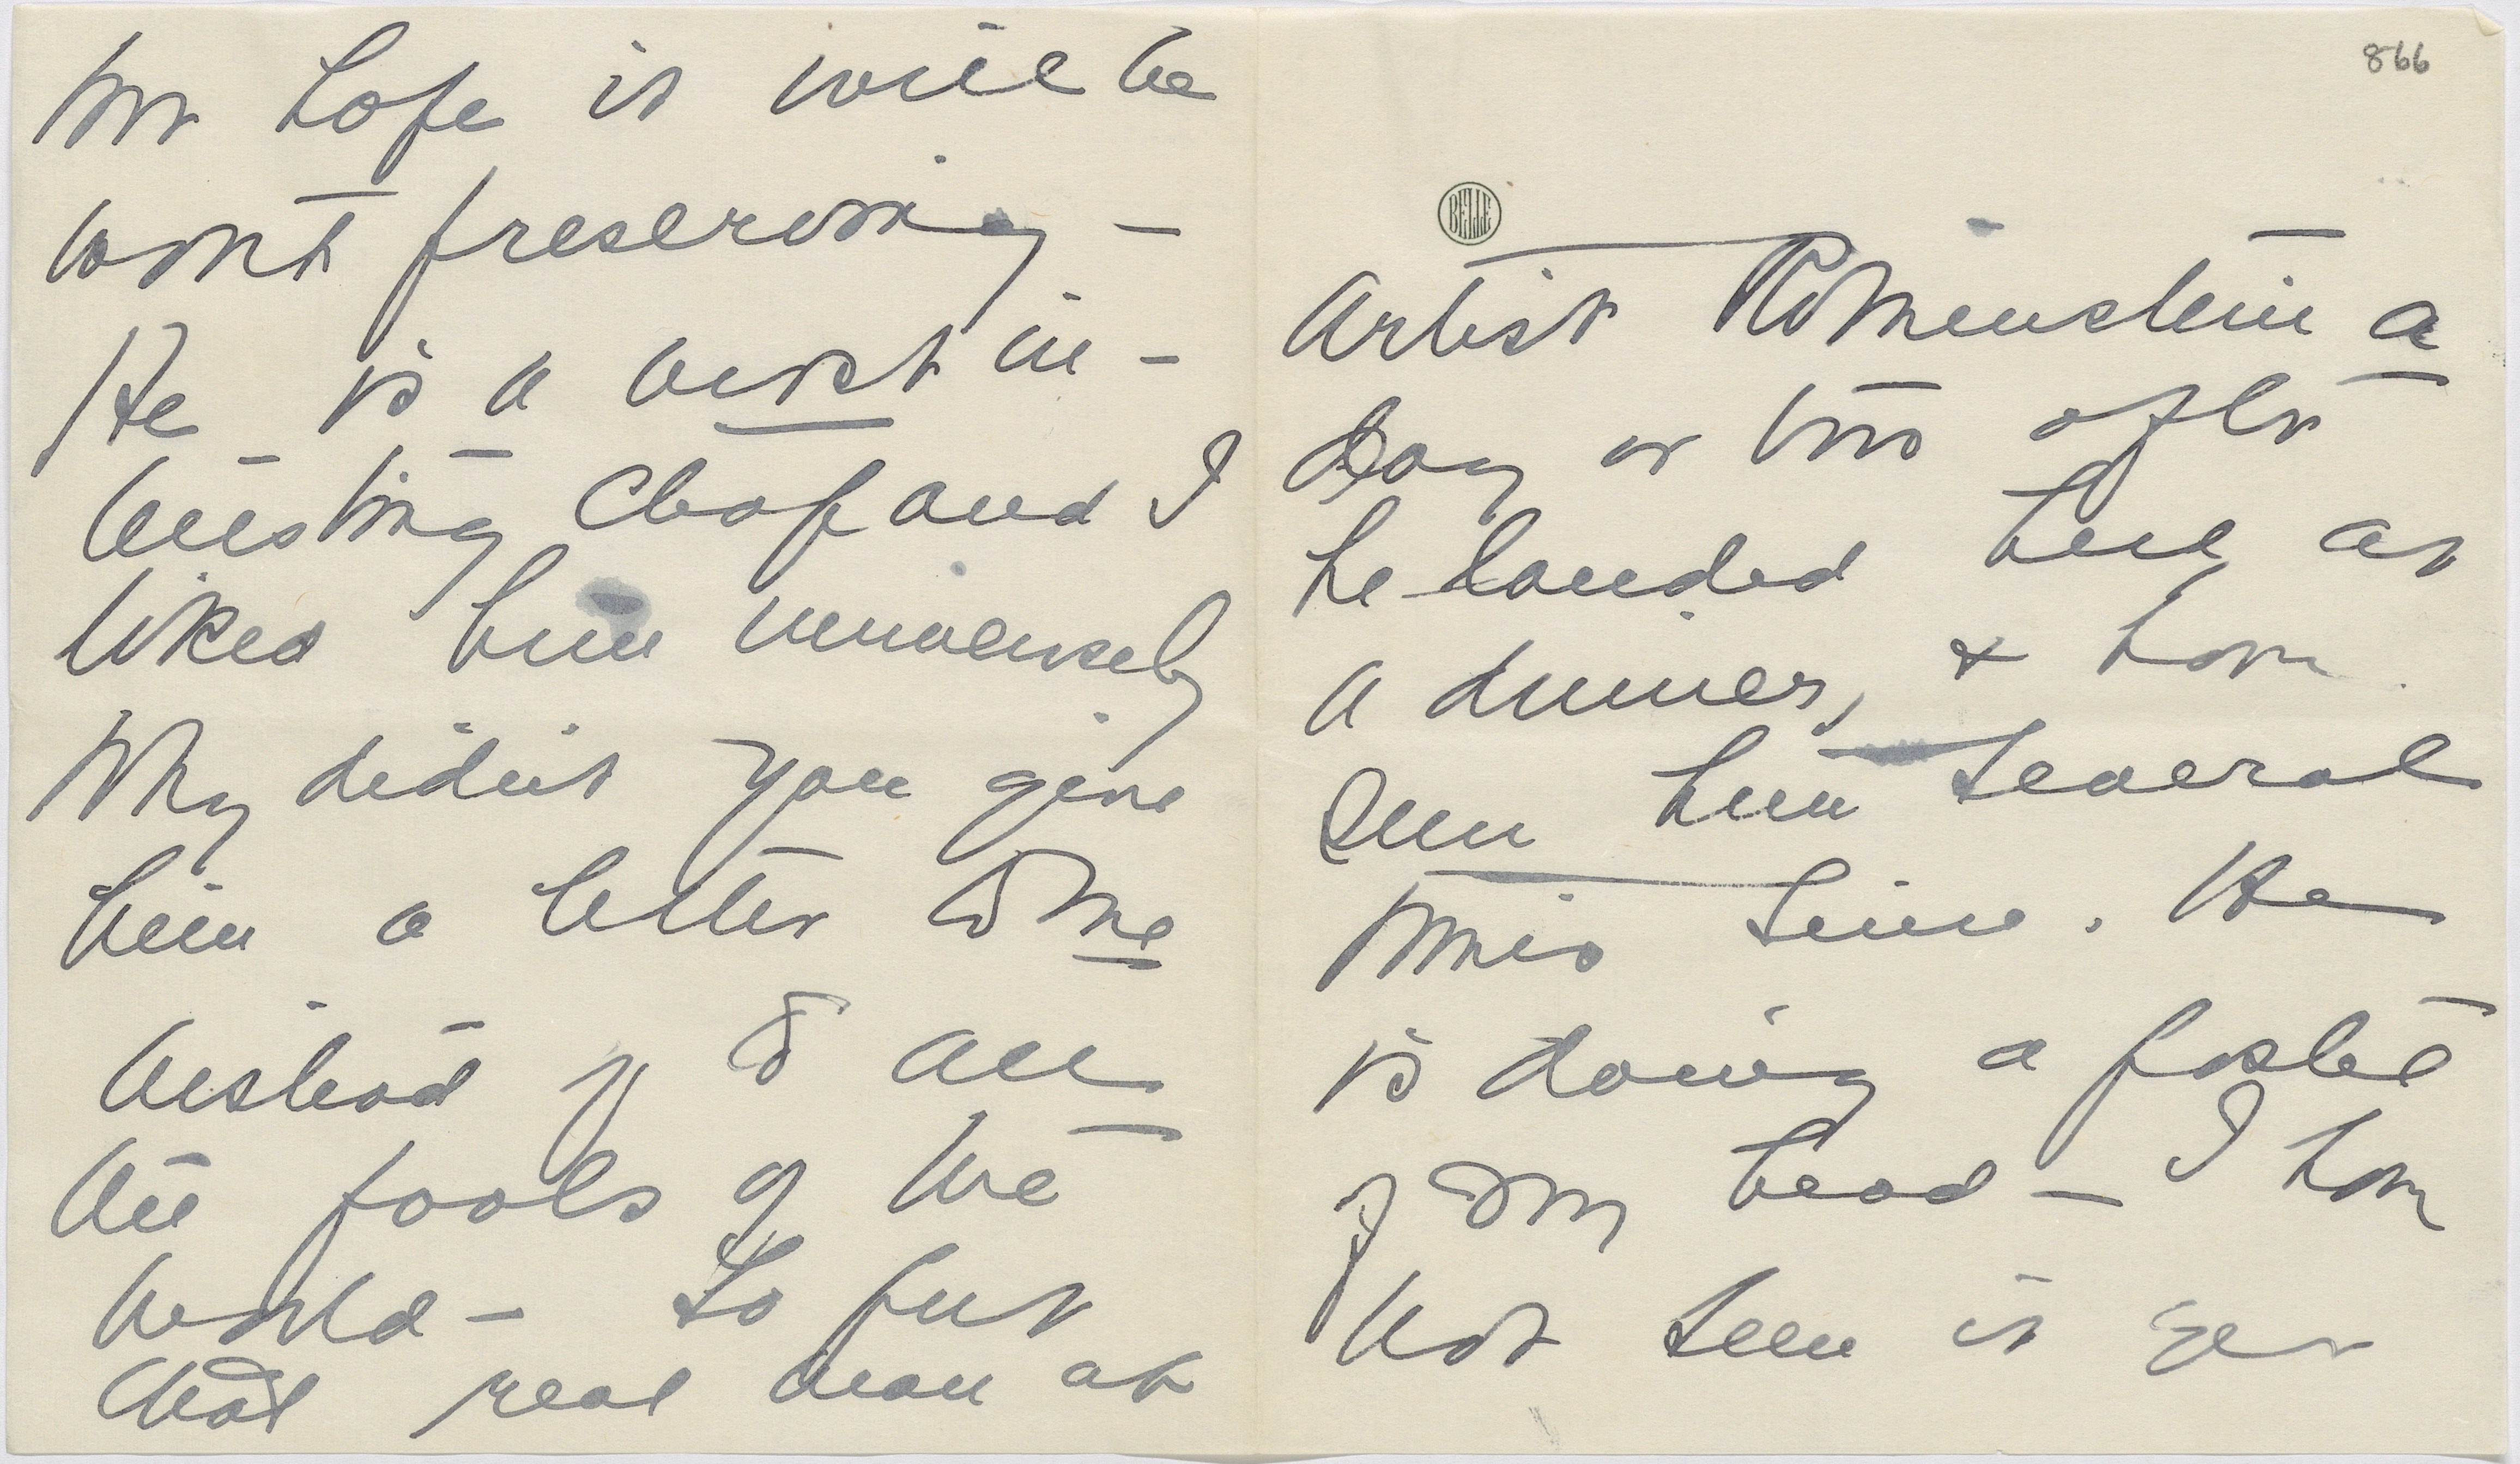artist Rothenstein a day or two after he landed here at a dinner, & have seen him several times since. He is doing a pastel of my head – I have not seen it yet
but hope it will be worth preserving – He is a most interesting chap and I liked him immensely Why didn’t you give him a letter to me instead of to all the fools of the world – To put that real man up